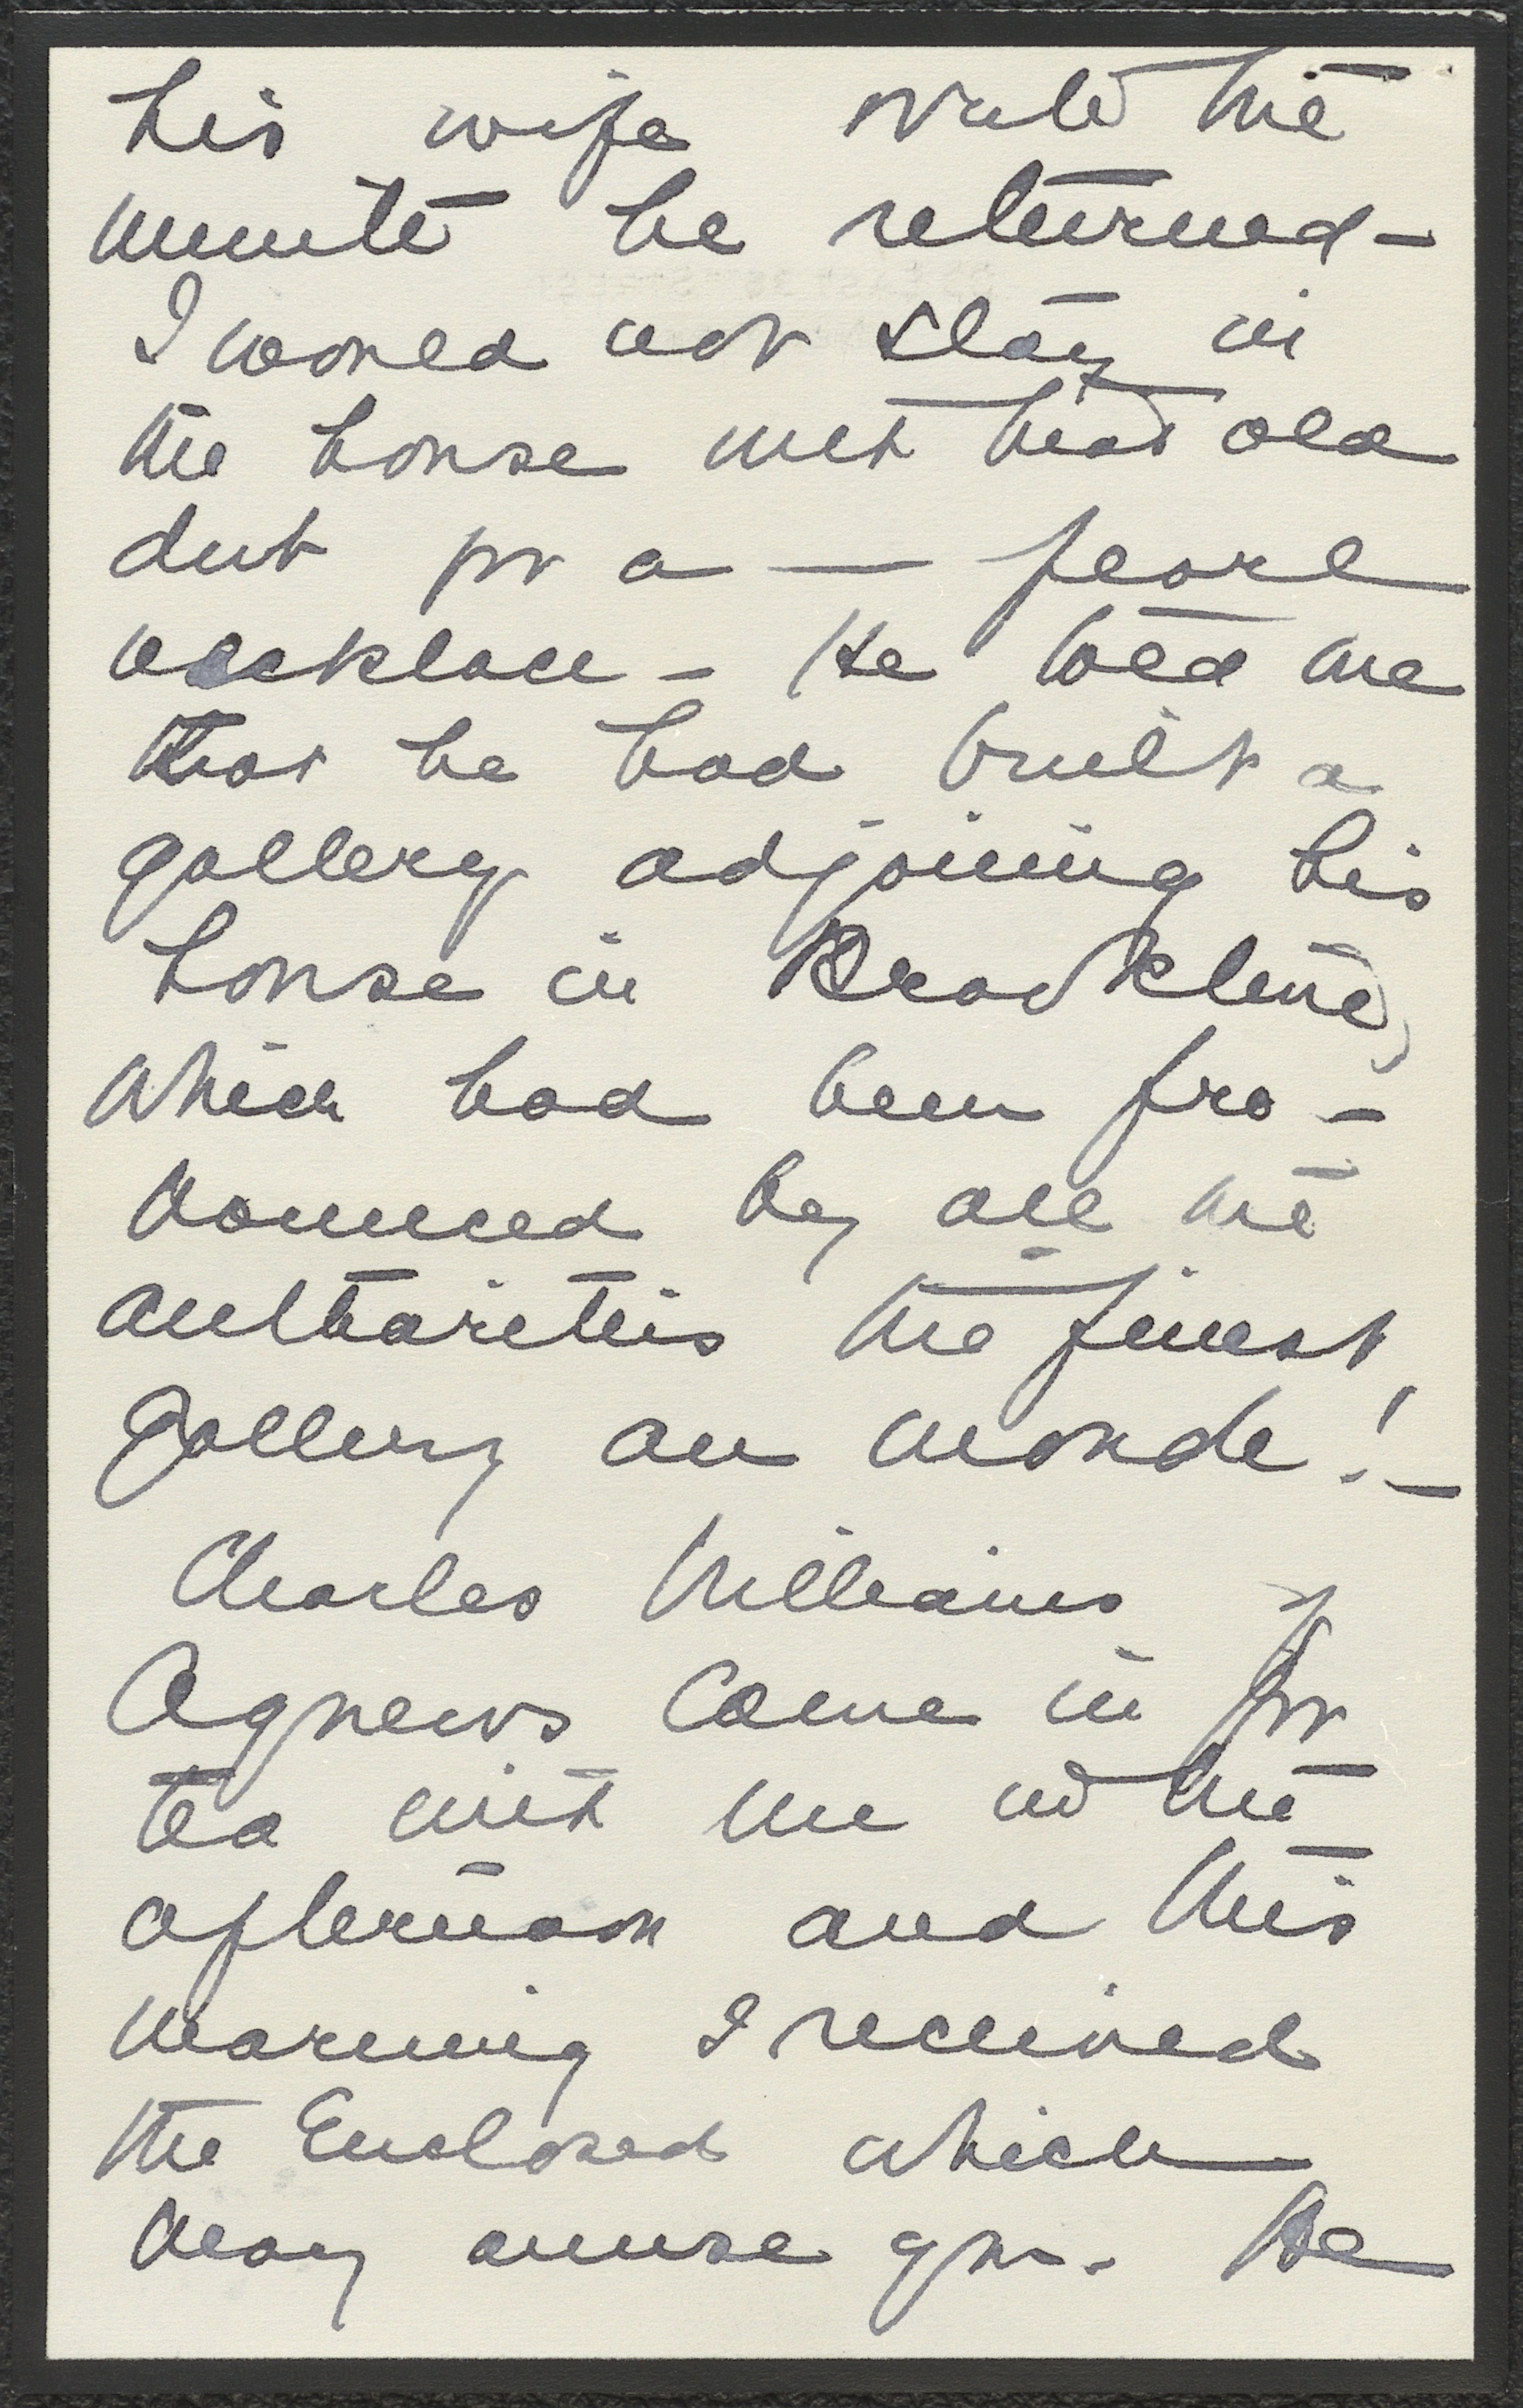his wife write the minute he returned – I would not stay in the house with that old dut for a – pearl necklace – He told me that he had built a gallery adjoining his house in Brookline, which had been pronounced by all the authorities the finest gallery au monde! –
Charles Williams of Agnews came in for tea with me in the afternoon and this
morning I received the enclosed which may amuse you. He